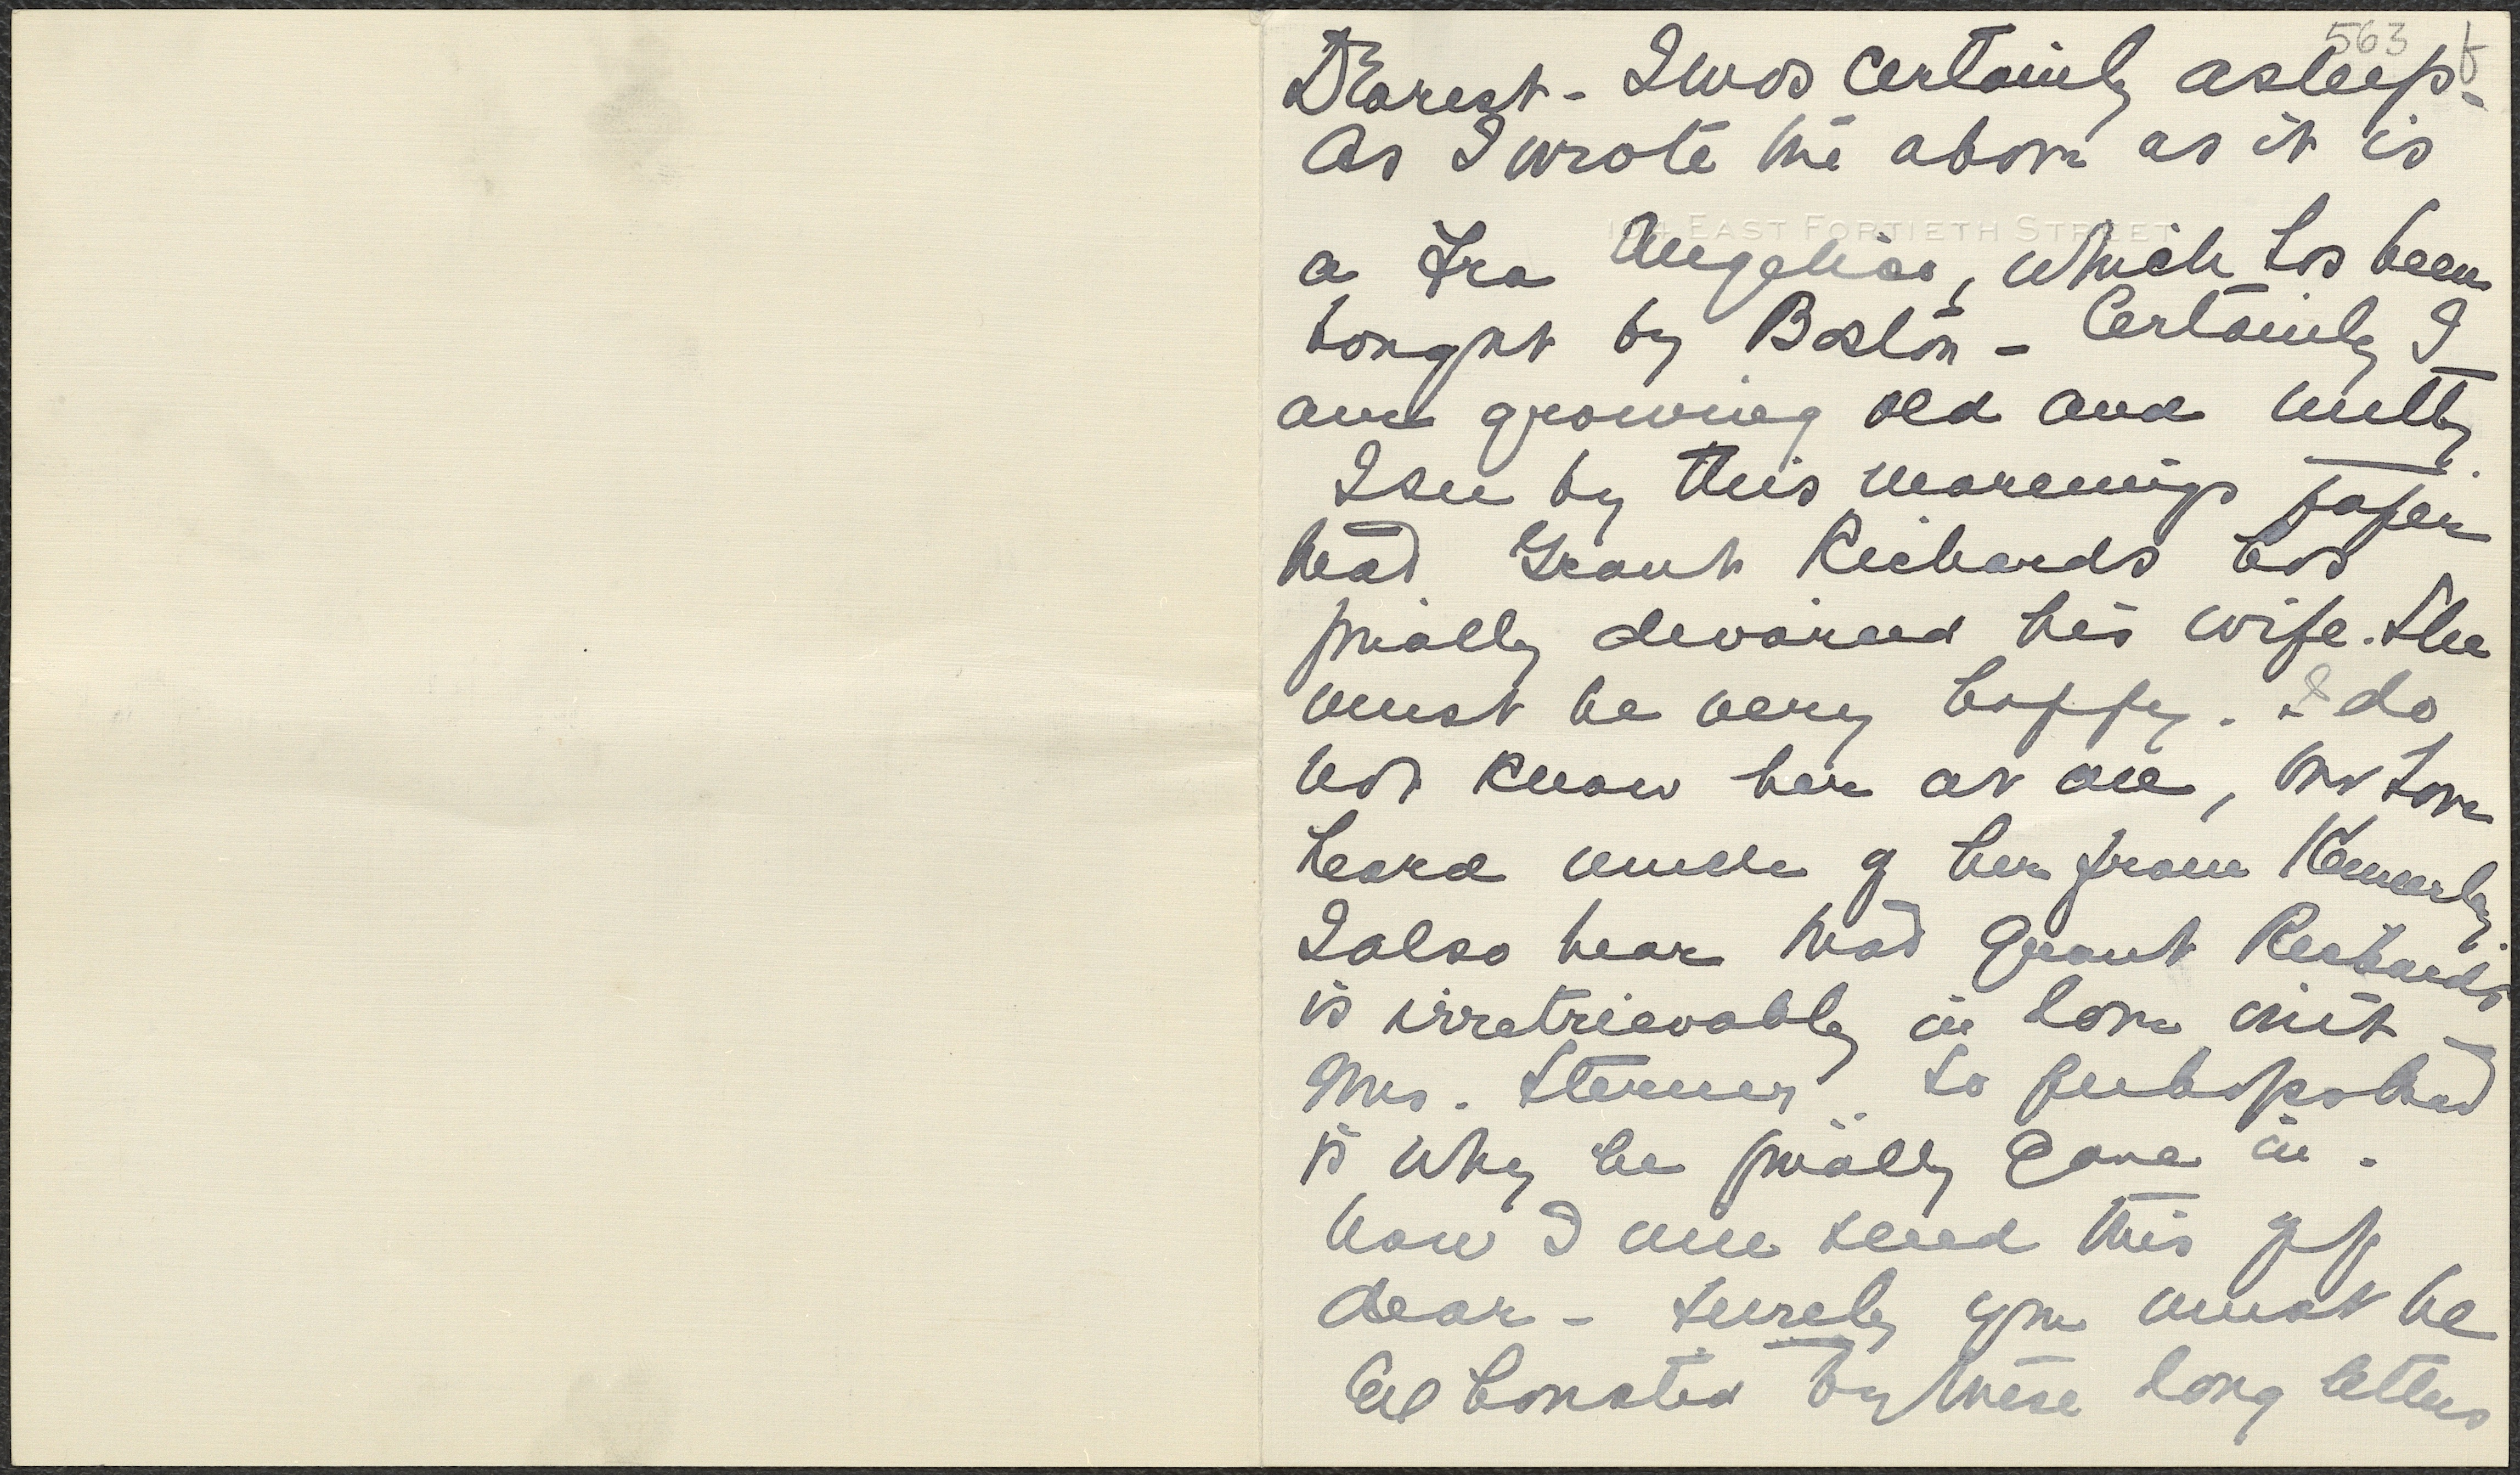Dearest – I was certainly asleep – As I wrote the above as it is a Fra Angelico, which has been bought by Boston – Certainly I am growing old and nutty. I see by this mornings [sic] paper that Grant Richards has finally divorced his wife. She must be very happy. I do not know her at all, but have heard much of her from Kennerley. I also hear that Grant Richards is irretrievably in love with Mrs. Sterner, so perhaps that is why he finally gave in –
Now I will send this off dear – surely you must be exhausted by these long letters